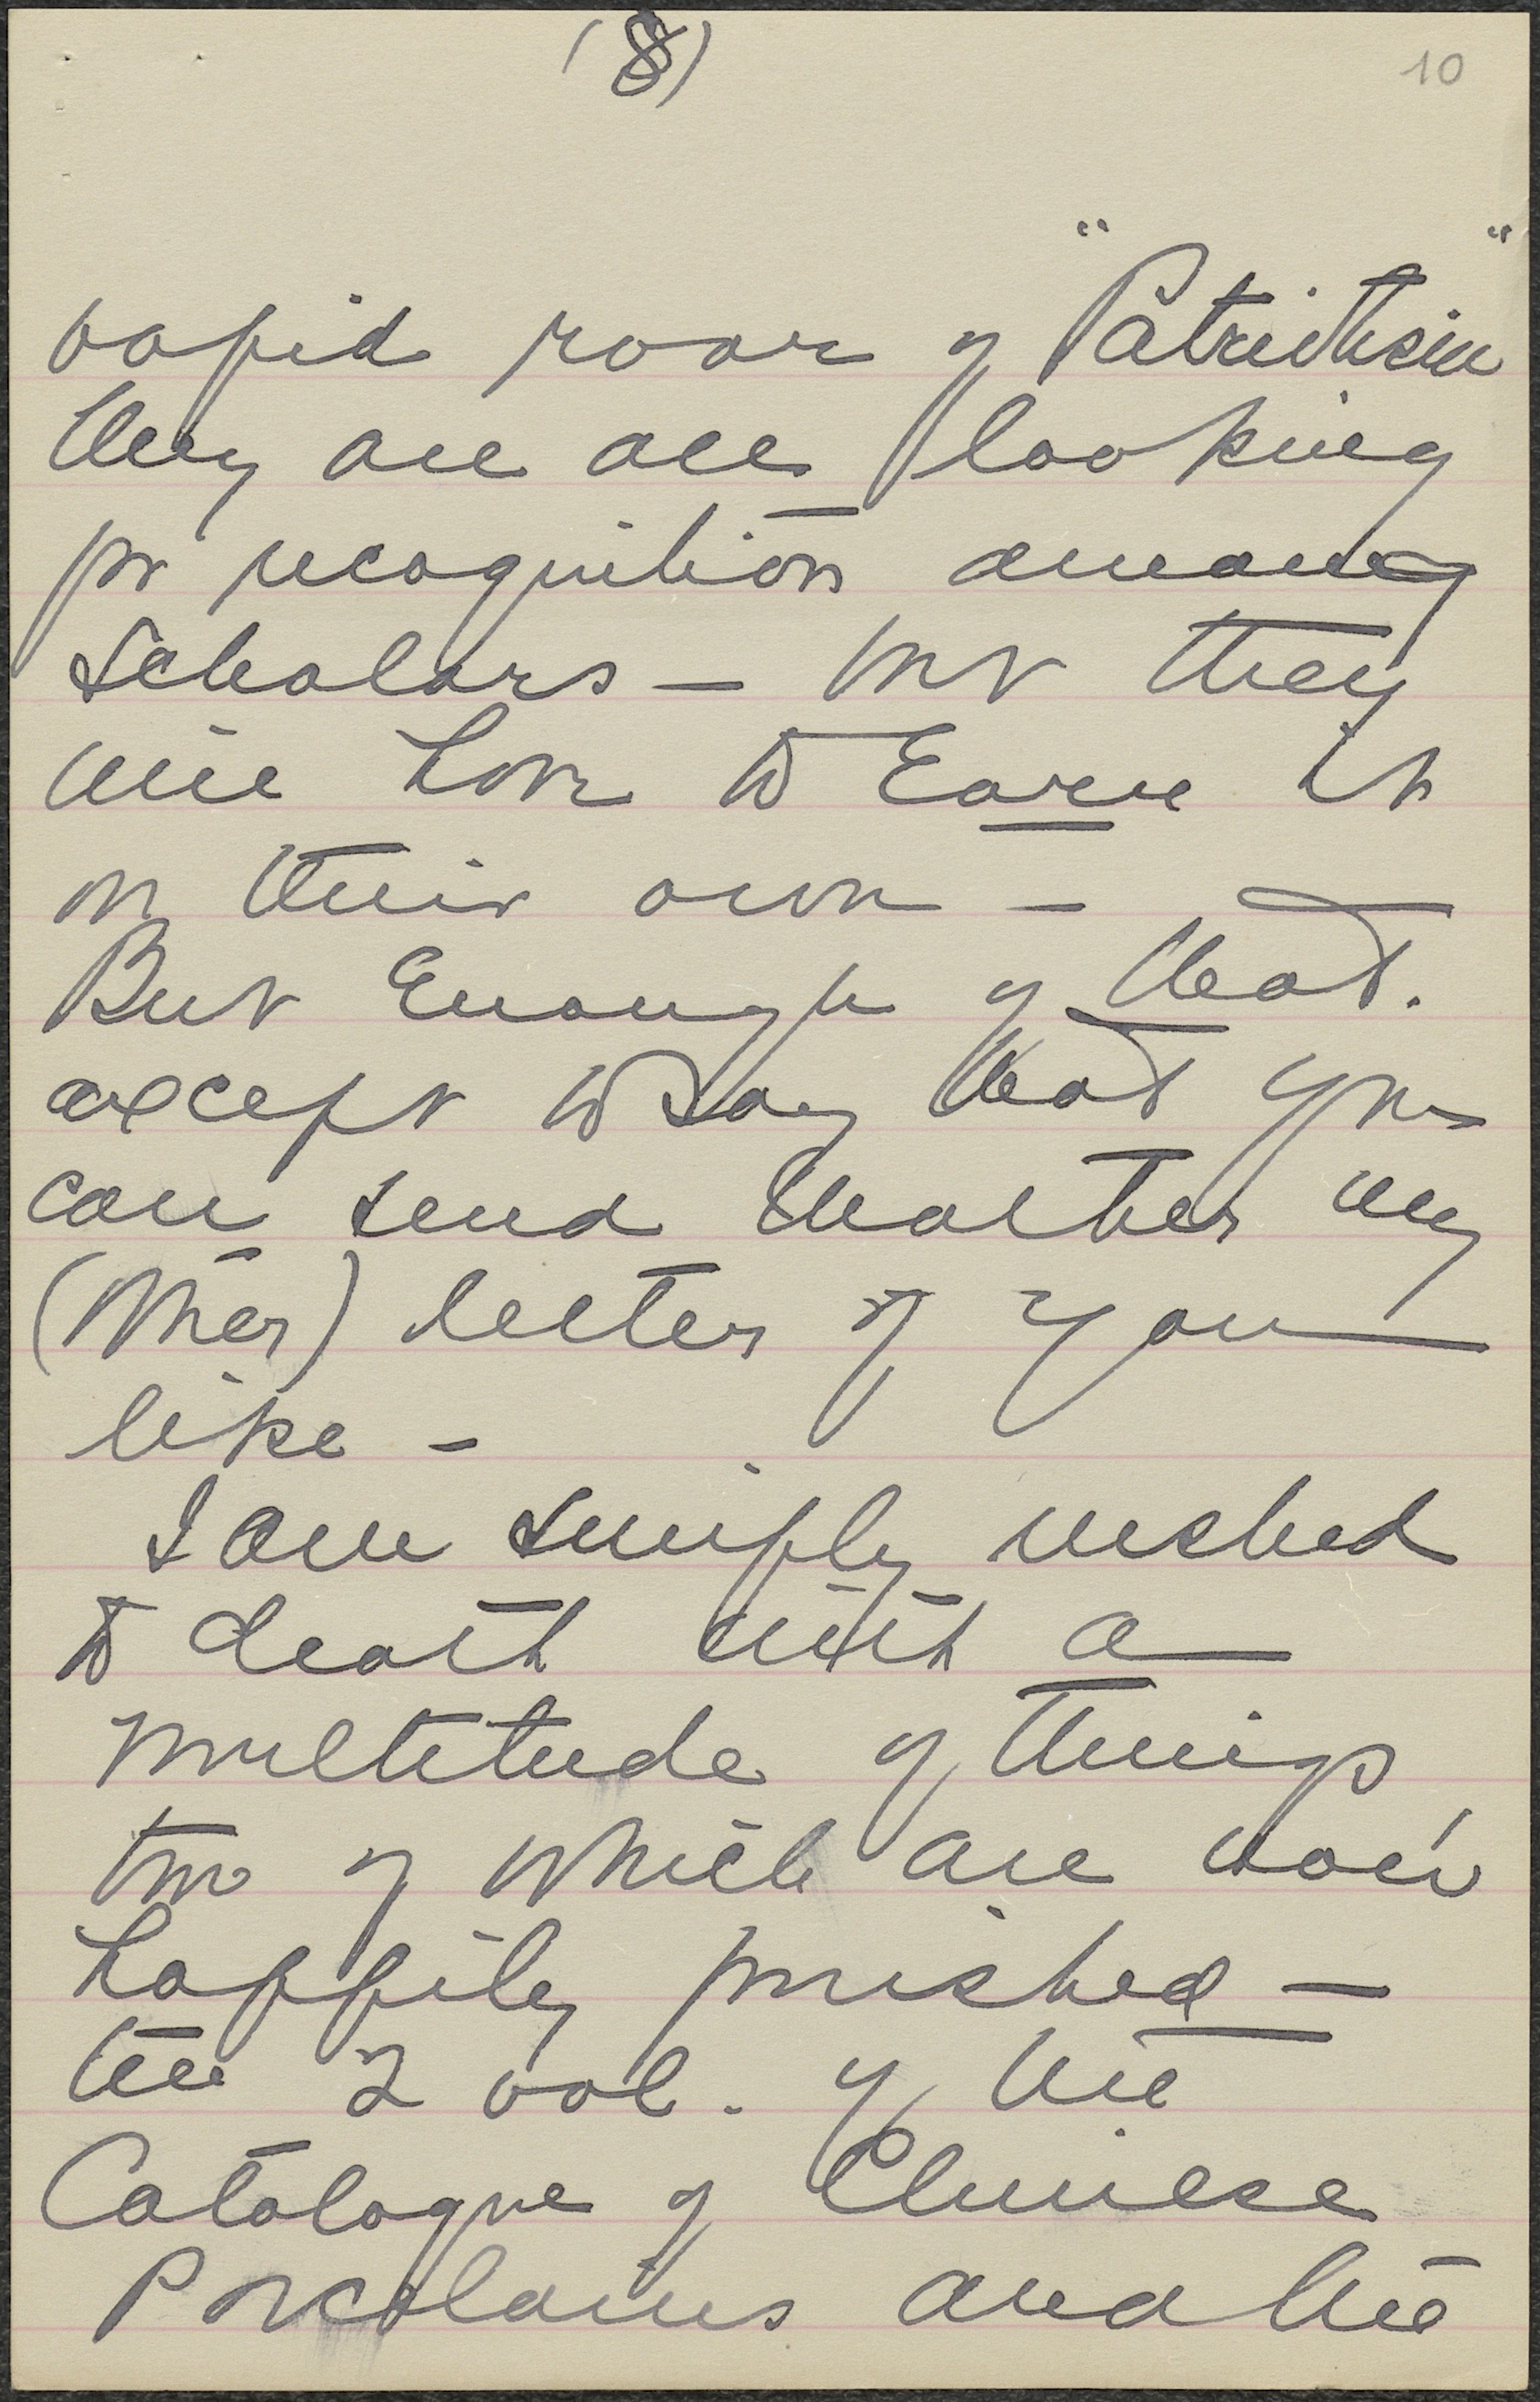(8)
vapid roar of “Patriotism”
They are all looking for recognition among scholars – but they will have to Earn it on their own –
But enough of that. except to say that you can send Mather my (other) letter if you like –
I am simply rushed to death with a multitude of things two of which are now happily finished – the 2 vol. of the Catalogue of Chinese Porcelains and the